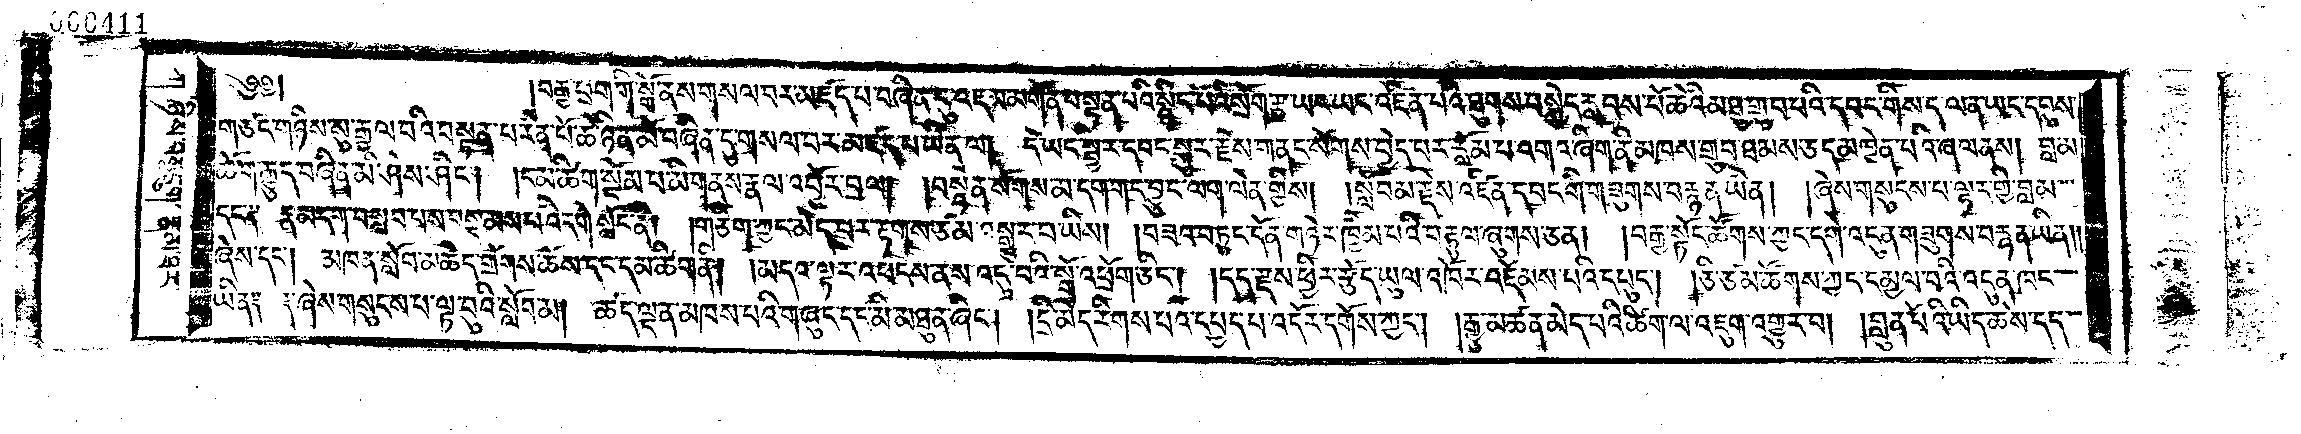༄༅། །བརྒྱ་ཕྲག་གི་སྒོ་ནས་གསལ་བར་མཛད་པ་བཞིན་དུ་འཇམ་མགོན་བསྟན་པའི་སྙིང་པོའི་སྲོག་རྩ་ཡང་ཡང་འཇིན་པའི་ཐུགས་བསྐྱེད་རླབས་པོ་ཆེའི་མཐུ་གྲུབ་པའི་དབང་གིས་ད་ལན་ཡང་དབུས་
གཙང་གཉིས་སུ་རྒྱལ་བའི་བསྟན་པ་རིན་པོ་ཆེ་ཉིན་མོ་བཞིན་དུ་གསལ་བར་མཛད་པ་ཡིན་ལ། དེ་ཡང་སྤྱིར་དབང་སྐུར་རྗེས་གནང་སོགས་བྱེད་པར་རློམ་པ་འགའ་ཞིག་ནི་མཁས་གྲུབ་ཐམས་ཅད་མཁྱེན་པའི་ཞལ་ནས། བླ་མ་
ཆོ་ག་རྒྱུད་བཞིན་མི་ཤེས་ཤིང་། །དམ་ཚིག་སྡོམ་པ་མི་གནས་རྣལ་འབྱོར་བྲལ། །བསྙེན་སོགས་མ་དག་གང་བྱུང་ལག་ལེན་གྱིས། །སློབ་མ་རྗེས་འཛིན་དབང་གི་གཟུགས་བརྙན་ཡིན། །ཞེས་གསུངས་པ་ལྟར་གྱི་བླ་མ་
དང༑ རྣམ་དག་བསླབ་པས་བསྡམས་པའི་དགེ་སློང་ནི། །གཅིག་ཀྱང་མེད་པར་རྟགས་ཙམ་བསྒྱུར་བ་ཡིས། །བཟའ་བཏུང་དོན་གཉེར་ཁྱིམ་པའི་བརྟུལ་ཞུགས་ཅན། །བརྒྱ་སྟོང་ཚོགས་ཀྱང་དགེ་འདུན་གཟུགས་བརྙན་ཡིན།།
ཞེས་དང་། མཁན་སློབ་མཆེད་གྲོགས་ཆོས་དང་དམ་ཚིག་ནི། །མདའ་ལྟར་འཕངས་ནས་འདུ་བའི་སྒོ་འཕྲོག་ཅིང་། །དད་རྫས་ཕྱིར་རྩོད་ཡུལ་འཁོར་འཇོམས་པའི་དབུང་། །ཅི་ཙམ་ཚོགས་ཀྱང་དམྱལ་བའི་འདུན་ཁང་
ཡིན༑ ༑ཞེས་གསུངས་པ་ལྟ་བུའི་སློབ་མ། ཚད་ལྡན་མཁས་པའི་གཞུང་དང་མི་མཐུན་ཞིང་། །དྲི་མེད་རིགས་པའི་དཔྱད་པ་འདོར་དགོས་ཀྱང་། །རྒྱུ་མཚན་མེད་པའི་ཚིག་ལ་འཇུག་འགྱུར་བ། །བླུན་པོའི་ཡིད་ཆེས་དད་